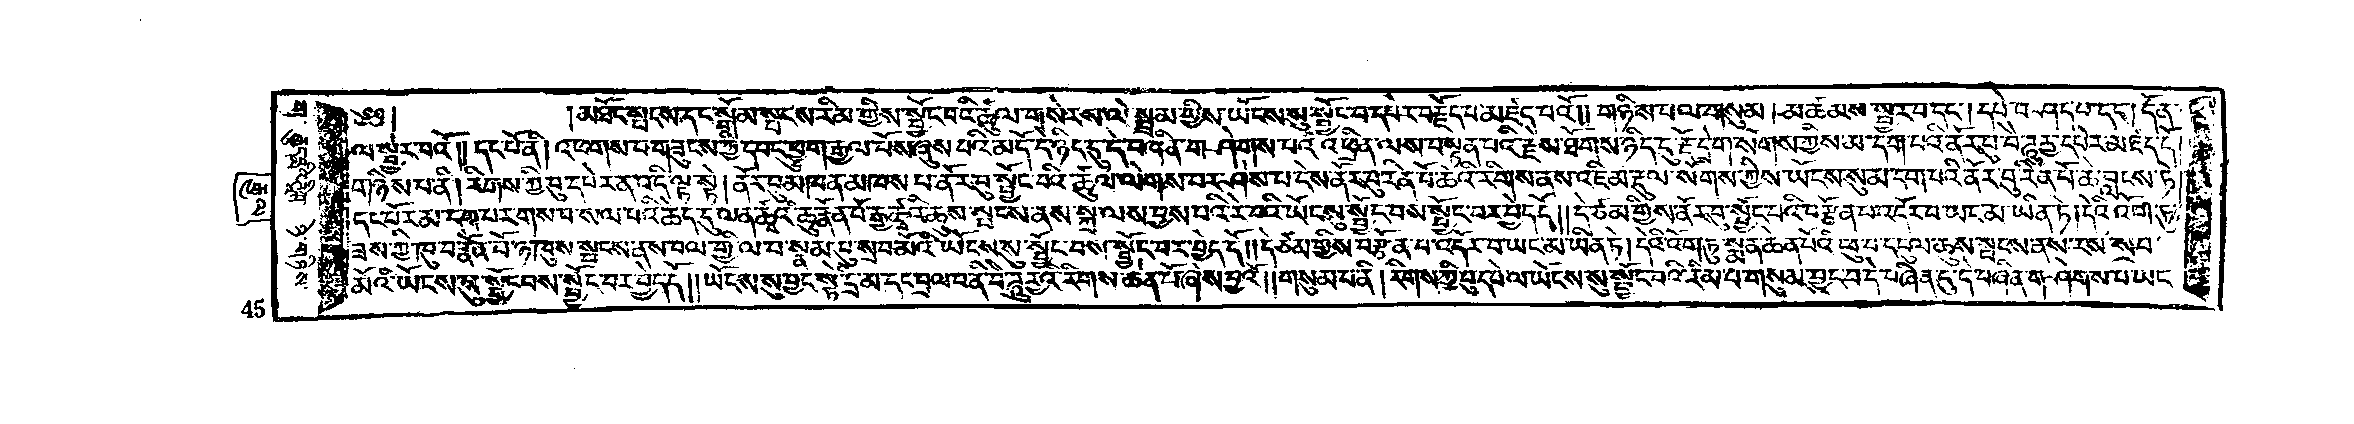༄༅། །མཐོང་སྤངས་དང་སྒོམ་སྤངས་རིམ་གྱིས་སྦྱོང་བའི་ཚུལ་གསེར་ས་ལེ་སྦྲམ་གྱིས་ཡོངས་སུ་སྦྱོང་བ་དཔེར་བརྗོད་པ་མཛད་པའོ། །གཉིས་པ་ལ་གསུམ། མཚམས་སྦྱར་བ་དང་། དཔེ་བཤད་པ་དང་། དོན་
ལ་སྦྱར་བའོ། །དང་པོ་ནི། འཕགས་པ་གཟུངས་ཀྱི་དབང་ཕྱུག་རྒྱལ་པོས་ཞུས་པའི་མདོ་དེ་ཉིད་དུ་དེ་བཞིན་གཤེགས་པའི་འཕྲིན་ལས་བསྟན་པའི་རྗེས་ཐོགས་ཉིད་དུ་རྡོ་དྲེག་སོགས་ཀྱིས་མ་དག་པའི་ནོར་བུ་བཻ་ཊཱུ་རྱ་དཔེར་མཛད་དོ། །
གཉིས་པ་ནི། རིགས་ཀྱི་བུ་དཔེར་ན་འདི་ལྟ་སྟེ། ནོར་བུ་མཁན་མཁས་པ་ནོར་བུ་སྦྱོང་བའི་ཚུལ་ལེགས་པར་ཤེས་པ་དེས་ནོར་བུ་རིན་པོ་ཆེའི་རིགས་ནས་འཇིམ་རྡུལ་སོགས་ཀྱིས་ཡོངས་སུ་མ་དག་པའི་ནོར་བུ་རིན་པོ་ཆེ་བླངས་ཏེ།
དང་པོར་མ་དག་པར་གས་པ་སལ?་པའི་ཆེད་དུ་ལན་ཚྭའི་ཆུ་རྣོན་པོ་རྒྱ་ཚྭའི་ཆུས་སྦངས་ནས་སྐྲ་ལས་བྱས་པའི་རེ་བའི་ཡོངས་སུ་སྦྱོང་བས་སྦྱོང་བར་བྱེད་དོ། །དེ་ཙམ་གྱིས་ནོར་བུ་སྦྱོང་བའི་བརྩོན་པ་འདོར་བ་ཡང་མ་ཡིན་ཏེ། དེའི་འོག་ཏུ་
ཟས་ཀྱི་ཁུ་བ་རྣོན་པོ་ཉ་ཁུས་སྦྱངས་ནས་བལ་གྱི་ལ་བ་སྣམ་བུ་སྲབ་མོའི་ཡོངས་སུ་སྦྱོང་བས་སྦྱོང་བར་བྱེད་དོ། །དེ་ཙམ་གྱིས་བརྩོན་པ་འདོར་བ་ཡང་མ་ཡིན་ཏེ། དེའི་འོག་ཏུ་སྨན་ཆེན་པོའི་ཕུ་བ་དངུལ་ཆུས་སྦངས་ནས་རས་སྲབ་
མོའི་ཡོངས་སུ་སྦྱོང་བས་སྦྱོང་བར་བྱེད་དོ། །ཡོངས་སུ་བྱང་སྟེ་དྲི་མ་དང་བྲལ་བ་ནི་བཻ་ཊཱུ་རྱའི་རིགས་ཆེན་པོ་ཞེས་བྱའོ། །གསུམ་པ་ནི། རིགས་ཀྱི་བུ་དཔེ་ལ་ཡོངས་སུ་སྦྱོང་བའི་རིམ་པ་གསུམ་བྱུང་བ་དེ་བཞིན་དུ་དེ་བཞིན་གཤེགས་པ་ཡང་